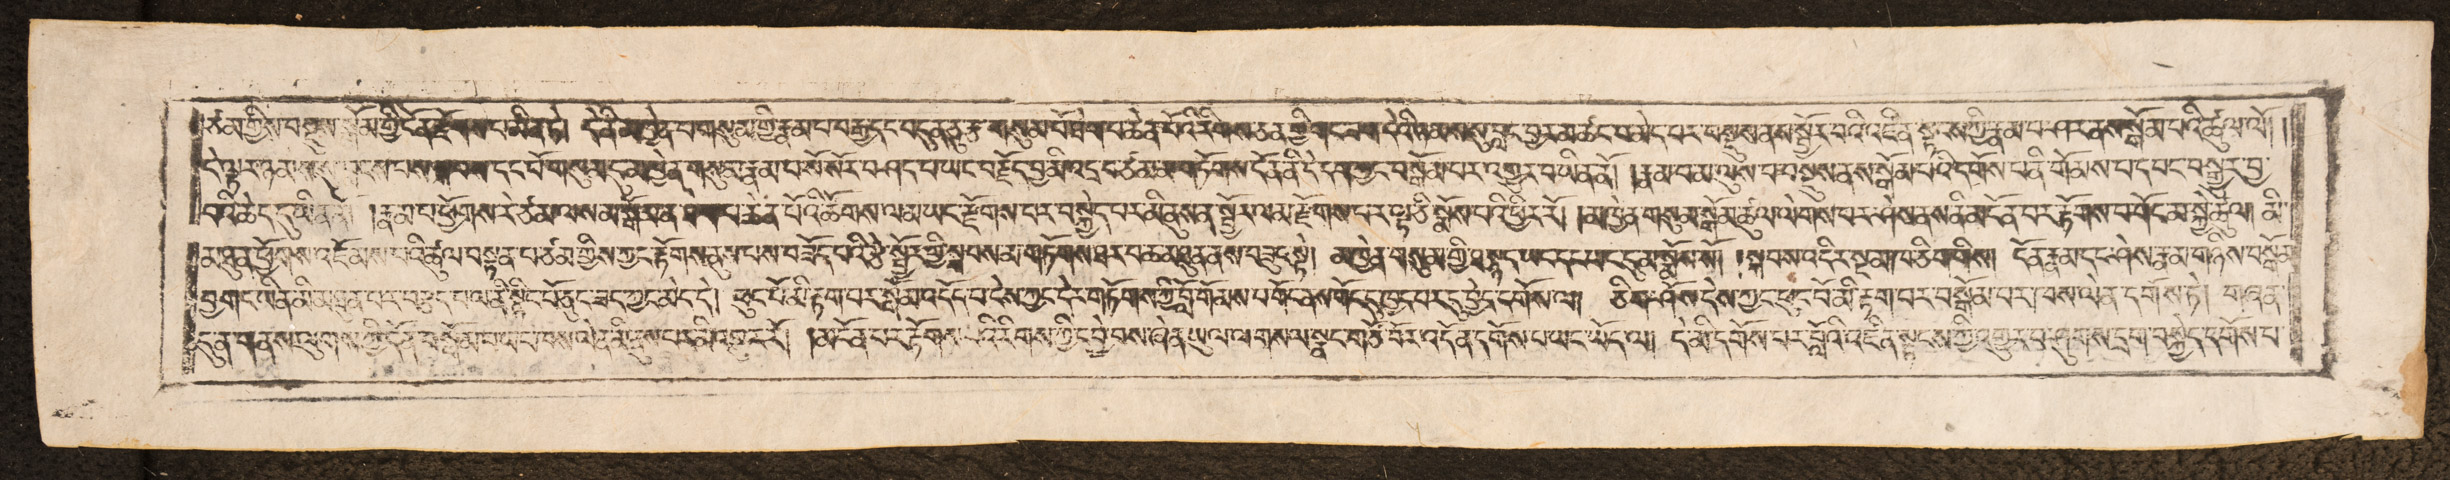ཙམ་གྱིས་བསྡུས་སྒོམ་གྱི་དོན་རྫོགས་པ་མིན་ཏེ། དེ་ནི་མཁྱེན་པ་གསུམ་གྱི་རྣམ་པ་བརྒྱ་དང་བདུན་ཅུ་རྩ་གསུམ་པོ་ཐེག་པ་ཆེན་པོའི་རིགས་ཅན་གྱི་གང་ཟག་དེའི་ཉམས་སུ་བླང་བྱར་མ་ཚང་བ་མེད་པར་བསྡུས་ནས་སྦྱོར་བའི་འཛིན་སྟངས་ཀྱི་རྣམ་པ་ཤར་ནས་སྒོམ་པའི་ཚུལ་ལོ། །
དེ་ལྟར་ཉམས་སུ་བླངས་པས་སྐབས་དང་པོ་གསུམ་དུ་མཁྱེན་གསུམ་རྣམ་པ་སོ་སོར་བཤད་པ་ཡང་བརྗོད་བྱ་མི་འདྲ་བ་ཙམ་མ་གཏོགས་དོན་ནི་དེ་དག་ཀྱང་བསྒོམ་པར་འགྱུར་བ་ཡིན་ནོ། །རྣམ་པ་མ་ལུས་པ་བསྡུས་ནས་སྒོམ་པའི་དགོས་པ་ནི་གོམས་པ་དབང་བསྒྱུར་བྱ་
བའི་ཆེད་དུ་ཡིན་ནོ། །རྣམ་པ་ཕྱོགས་རེ་ཙམ་ལས་མ་སྒོམ་ན་ཐེག་པ་ཆེན་པོའི་ཆོགས་ལམ་ཡང་རྫོགས་པར་བསྐྱེད་པར་མི་ནུས་ན་སྦྱོར་ལམ་རྫོགས་པར་ལྟ་ཅི་སྨོས་པའི་ཕྱིར་རོ། །མཁྱེན་གསུམ་སྒོམ་ཚུལ་ལེགས་པར་ཤེས་ནས་ནི་མངོན་པར་རྟོགས་པ་གོང་མ་སྐྱེ་ཚུལ། མི་
མཐུན་ཕྱོགས་འཇོམས་པའི་ཚུལ་བསྟན་པ་ཙམ་གྱིས་ཀྱང་རྟོགས་ནུས་པས་བཟོད་པའི་རྩེ་སྦྱོར་གྱི་སྐབས་མ་གཏོགས་ཐར་པ་ཆ་མཐུན་ནས་བཟུང་སྟེ། མཁྱེན་གསུམ་གྱིས་སྙད་ཡང་དང་ཡང་དུ་མ་སྨོས་སོ། །སྐབས་འདིར་སྔ་མ་ཁ་ཅིག་གིས། དོན་རྣམ་དང་ཤེས་རྣམ་གཉིས་བསྒོམ་
བྱ་གང་ཡིན་མི་མཐུན་པར་བརྩད་པ་ལ་ནི་སྙིང་པོ་ཅུང་ཟད་ཀྱང་མེད་དེ། ཕུང་པོ་མི་རྟག་པར་སྒོམ་འདོད་པ་ངེས་ཀྱང་དེར་གཏོགས་ཀྱི་བློ་གོམས་པ་གོང་ནས་གོང་དུ་ཁྱད་པར་དུ་བྱེད་དགོས་ལ། ཅིག་ཤོས་དེས་ཀྱང་ཕུང་པོ་མི་རྟག་པར་བསྒོམ་པར་ཁས་ལེན་དགོས་ཏེ། གཞན་
དུ་ན་གནས་ལུགས་ཀྱི་དོན་བསྒོམ་པ་ཡང་ཁས་ལེན་མི་ནུས་པར་མི་འགྱུར་རོ། །མངོན་པར་རྟོགས་པའི་རིགས་ཀྱི་དབྱེ་བས་ཞེན་ཡུལ་ལ་གསལ་སྣང་གཙོ་བོར་འདོན་དགོས་པ་ཡང་ཡོད་ལ། དེ་མི་དགོས་པར་བློའི་འཛིན་སྟངས་ཀྱི་འགྱུར་བ་ཤུགས་དྲག་བསྐྱེད་དགོས་པ་